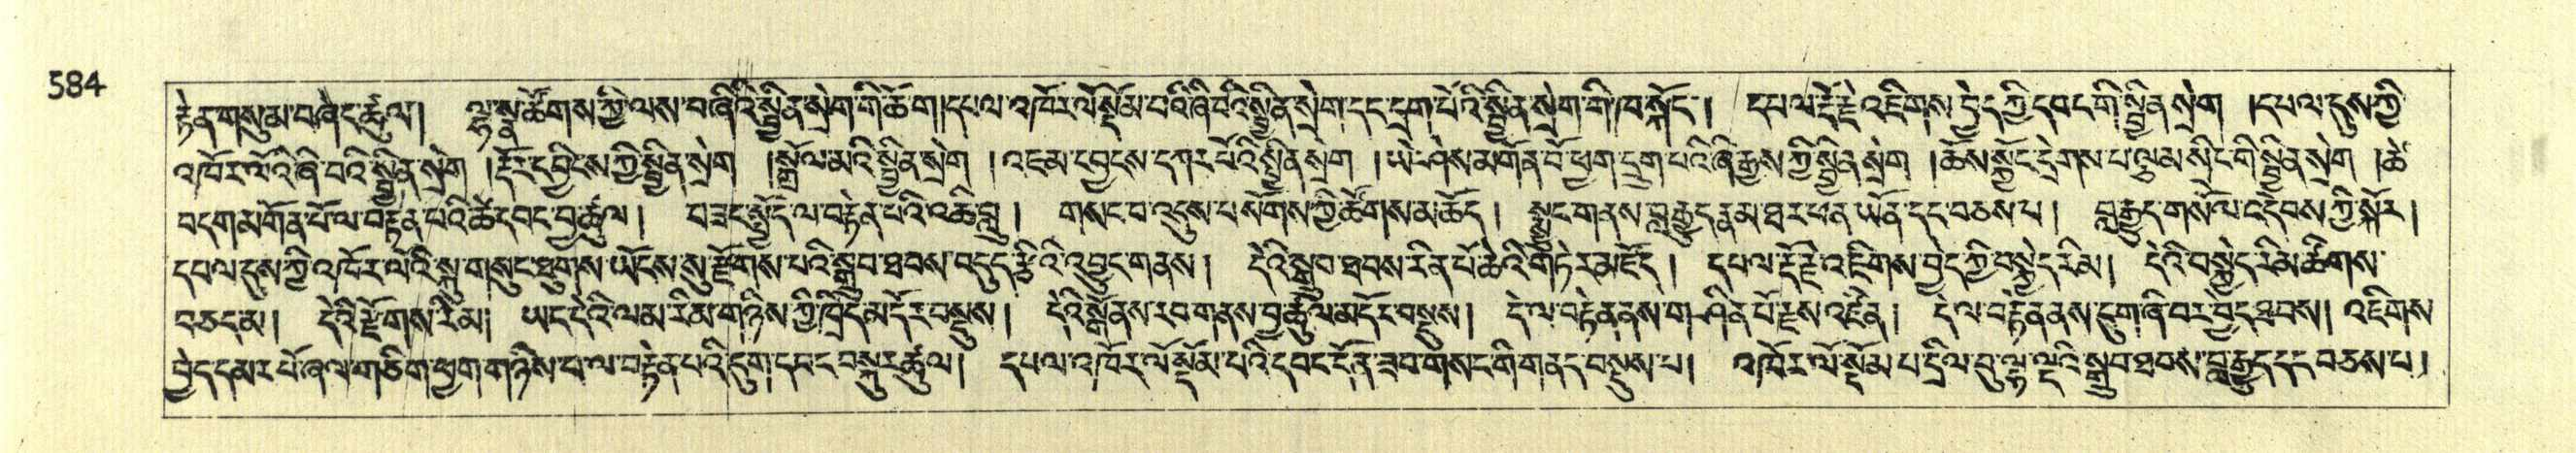རྟེན་གསུམ་བཞེང་ཚུལ། ལྷ་སྣ་ཚོགས་ཀྱི་ལས་བཞིའི་སྤྱིན་སྲེག་གི་ཆོ་ག། དཔལ་འཁོར་ལོ་སྡོམ་བའི་ཞི་བའི་སྦྱིན་སྲེག་དང་དྲག་པོའི་སྦྱིན་སྲེག་གི་ཁ་སྐོང་། དཔལ་རྡོ་རྗེ་འཇིགས་བྱེད་ཀྱི་དབང་གི་སྦྱིན་སྲེག །དཔལ་དུས་ཀྱི་
འཁོར་ལོའི་ཞི་བའི་སྦྱིན་སྲེག །རྡོར་དབྱིངས་ཀྱི་སྦྱིན་སྲེག །སྒྲོལ་མའི་སྦྱིན་སྲེག །འཇམ་དབྱངས་དཀར་པོའི་སྤྱིན་སྲེག །ཡེ་ཤེས་མགོན་བོ་ཕྱག་དྲུག་པའི་ཞི་རྒྱས་ཀྱི་སྦྱིན་སྲེག །ཆོས་སྐྱོང་དྲེགས་པ་ལྕམ་སྲིང་གི་སྦྱིན་སྲེག །ཚེ་
བདག་མགོན་པོ་ལ་བརྟེན་པའི་ཚེ་དབང་བྱ་ཚུལ། བཟང་སྤྱོད་ལ་བརྟེན་པའི་འཆི་བླུ། གསང་བ་འདུས་པ་སོགས་ཀྱི་ཚོགས་མཆོད། སྨྱུང་གནས་བླ་རྒྱུད་རྣམ་ཐར་ཕན་ཡོན་དང་བཅས་པ། བླ་རྒྱུད་གསོལ་འདེབས་ཀྱི་སྐོར།
དཔལ་དུས་ཀྱི་འཁོར་ལོའི་སྐུ་གསུང་ཐུགས་ཡོངས་སུ་རྫོགས་པའི་སྒྲུབ་ཐབས་བདུད་རྩིའི་འབྱུང་གནས། དེའི་སྒྲུབ་ཐབས་རིན་པོ་ཆེའི་གཏེར་མཛོད། དཔལ་རྡོ་རྗེ་འཇིགས་བྱེད་ཀྱི་བསྐྱེད་རིམ། དེའི་བསྐྱེད་རིམ་ཚིགས་
བཅད་མ། དེའི་རྫོགས་རིམ། ཡང་དེའི་ལམ་རིམ་གཉིས་ཀྱི་ཁྲིད་མདོར་བསྡུས། དེའི་སྒོ་ནས་རབ་གནས་བྱ་ཚུལ་མདོར་བསྡུས། དེ་ལ་བརྟེན་ནས་གཤིན་པོ་རྗེས་འཛིན། དེ་ལ་བརྟེན་ནས་དུག་ཞི་བར་བྱེད་ཐབས། འཇིགས་
བྱེད་དམར་པོ་ཞལ་གཅིག་ཕྱག་གཉིས་པ་ལ་བརྟེན་པའི་དུག་དབང་བསྐུར་ཚུལ། དཔལ་འཁོར་ལོ་སྡོམ་པའི་དབང་དོན་ཟབ་གསང་གི་གནད་བསྡུས་པ། འཁོར་ལོ་སྡོམ་པ་དྲིལ་བུ་ལྷ་ལྔའི་སྒྲུབ་ཐབས་བླ་རྒྱུད་དང་བཅས་པ།